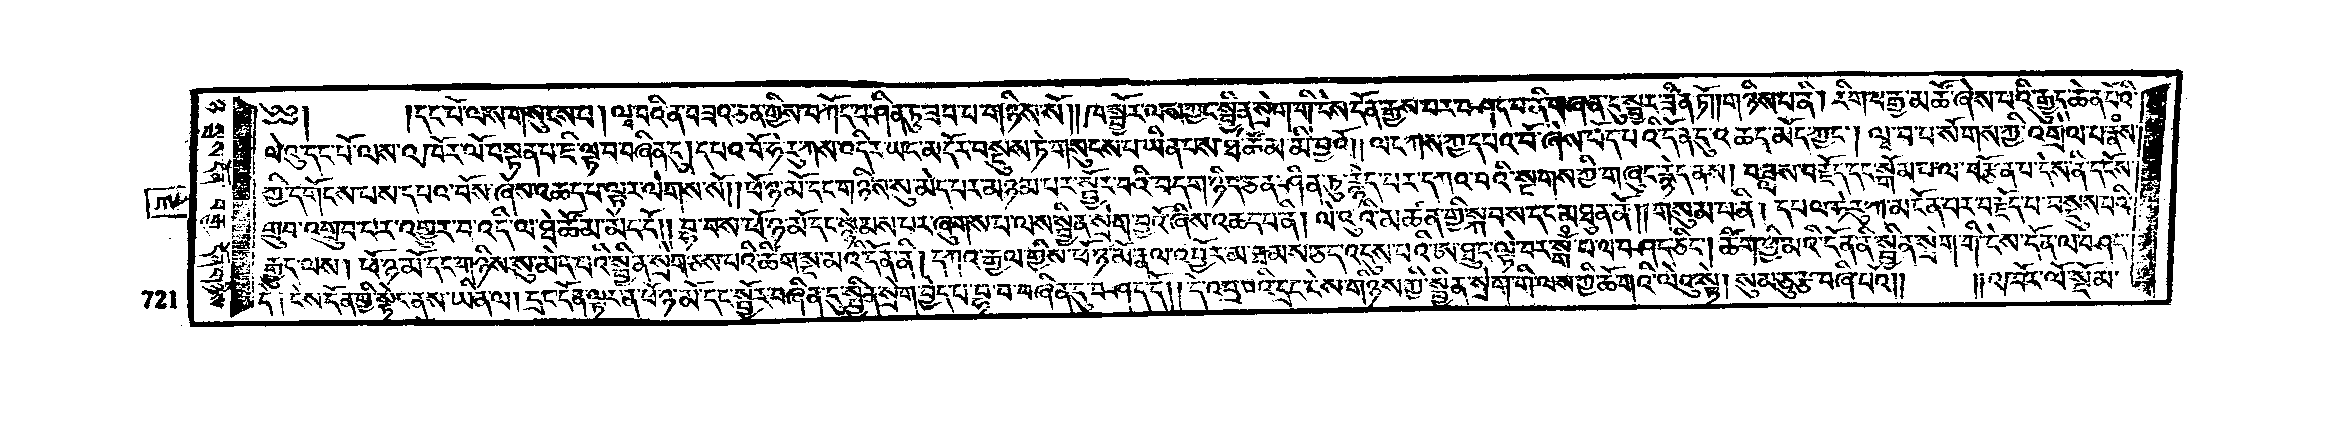༄༅། །དང་པོ་ལས་གསུངས་པ། ལྭ་བའི་ན་བཟའ་ཅན་གྱིས་བཀོད་པ་ཤིན་ཏུ་ཟབ་པ་གཉིས་སོ། །ཁ་སྦྱོར་ལས་ཀྱང་སྦྱིན་སྲེག་གི་ངེས་དོན་རྒྱས་པར་བཤད་པ་ནི་གཞན་དུ་སྦྱར་ཟིན་ཏོ། །གཉིས་པ་ནི། རིག་པ་རྒྱ་མཚོ་ཞེས་པའི་རྒྱུད་ཆེན་པོའི་
ལེའུ་དང་པོ་ལས་འཁོར་ལོ་བསྟན་པ་ཇི་ལྟ་བ་བཞིན་དུ། དཔའ་བོ་ཧེ་རུ་ཀས་འདིར་ཡང་མདོར་བསྡུས་ཏེ་གསུངས་པ་ཡིན་པས་ཐེ་ཚོམ་མི་བྱའོ། །ལང་ཀས་ཀྱ་དཔའ་བོ་ཞེས་བོད་པའི་དོན་དུ་འཆད་མོད་ཀྱང་། ལྭ་བ་པ་སོགས་ཀྱི་འགྲེལ་པ་རྣམས་
ཀྱི་དགོངས་པས་དཔའ་བོས་ཞེས་འཆད་པ་ལྟར་ལེགས་སོ། །ཕོ་ཉ་མོ་དང་གཉིས་སུ་མེད་པར་མཉམ་པར་སྦྱོར་བའི་བདག་ཉིད་ཅན་ཤིན་ཏུ་རྙེད་པར་དཀའ་བའི་སྔགས་ཀྱི་གཞུང་རྙེད་ནས། བཟླས་བརྗོད་དང་སྒོམ་པ་ལ་བརྩོན་པ་དེས་ནི་དངོས་
གྲུབ་འགྲུབ་པར་འགྱུར་བ་འདི་ལ་ཐེ་ཚོམ་མེད་དོ། །བྷ་བས་ཕོ་ཉ་མེ་དང་སྙོམས་པར་ཞུགས་པ་ལས་སྦྱིན་སྲེག་བྱའོ་ཞེས་འཆད་པ་ནི། ལེའུའི་མཚན་གྱི་སྐབས་དང་མཐུན་ནི། །གསུམ་པ་ནི། དཔལ་ཧེ་རུ་ཀ་མངོན་པར་བརྗོད་པ་བསྡུས་པའི་
རྒྱུད་ལས། ཕོ་ཉ་མོ་དང་གཉིས་སུ་མེད་པའི་སྦྱིན་སྲེག་ཅས་པའི་ཚེག་སྔ་མའི་དོན་ནི། དཀའ་རྒྱལ་གྱིས་ཕོ་ཉ་མོ་རྣལ་འབྱོར་མ་ཐམས་ཅད་འདུས་པའི་ཨ་ཐུང་ལྟེ་བར་སྒོཾ་པ་ལ་བཤད་ཅིང་། ཚིག་ཕྱི་མའི་དོན་ནི་སྦྱིན་སྲེག་གི་ངེས་དོན་ལ་བཤད་
དེ། ངེས་དོན་གྱི་སྟེང་ནས་ཡིན་ལ། དྲང་དོན་ལྟར་ན་ཕོ་ཉ་མོ་དང་སྦྱོར་བཞིན་དུ་སྦྱིན་སྲེག་བྱེད་པ་བྷ་བ་བཞིན་དུ་བཤད་དོ། །དེ་འདྲ་བའི་དྲང་ངེས་གཉིས་ཀྱི་སྦྱིན་སྲེག་གི་ལས་ཀྱི་ཆོ་གའི་ལེའུ་སྟེ། སུམ་ཅུ་རྩ་བཞི་པའོ།། །།འཁོར་ལོ་སྡོམ་